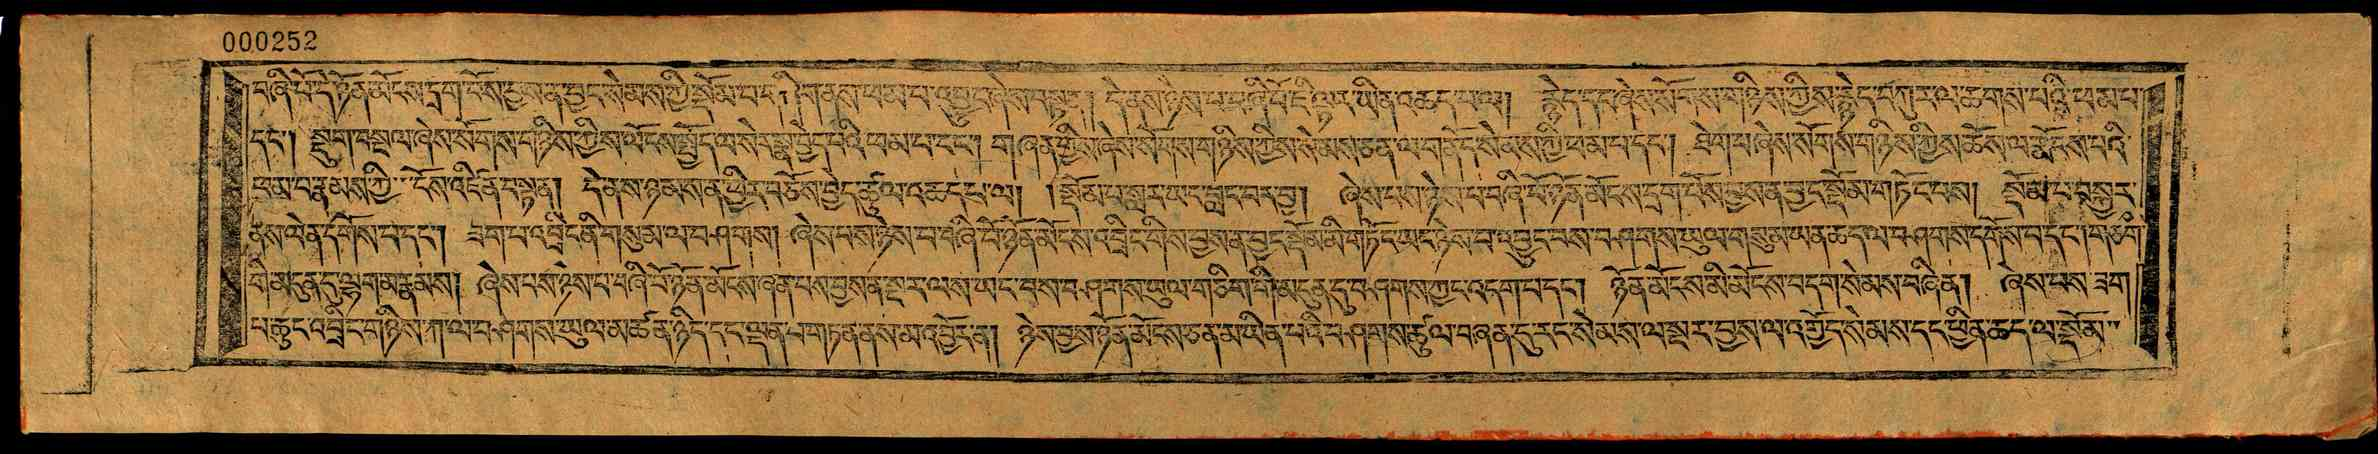བཞི་པོ་དེ་ཉོན་མོངས་དྲག་པོས་བྱས་ན་བྱང་སེམས་ཀྱི་སྡོམ་པ་གཞིག་ནས་ཕམ་པ་འབྱུང་ཞེས་བསྟན། དེ་ནས་ཉེས་པ་བཞི་པོ་ཇི་ལྟར་ཡིན་འཆད་པ་ལ། རྙེད་དང་ཞེས་སོགས་གཉིས་ཀྱིས་རྙེད་བཀུར་ལ་ཆགས་པའི་ཕམ་པ་
དང་། སྡུག་བསྔལ་ཞེས་སོགས་གཉིས་ཀྱིས་ལོངས་སྤྱོད་ལ་སེར་སྣ་བྱེད་པའི་ཕམ་པ་དང་། གཞན་གྱིས་ཞེས་སོགས་གཉིས་ཀྱིས་སེམས་ཅན་ལ་གནོད་སེམས་ཀྱི་ཕམ་པ་དང་། ཐེག་པ་ཞེས་སོགས་གཉིས་ཀྱིས་ཆོས་ལ་རྨོངས་པའི་
ཕམ་པ་རྣམས་ཀྱི་ངོས་འཛིན་བསྟན། དེ་ནས་ཉམས་ན་ཕྱིར་བཅོས་བྱེད་ཚུལ་འཆད་པ་ལ། སྡོམ་པ་སླར་ཡང་བླང་བར་བྱ། ཞེས་པས་ཉེས་པ་བཞི་པོ་ཉོན་མོངས་དྲག་པོས་བྱས་ན་བྱང་སྡོམ་གཏོང་བས། སྡོམ་པ་བསྐྱར་
ནས་ལེན་དགོས་པ་དང་། ཟག་པ་འབྲིང་ནི་གསུམ་ལ་བཤགས། ཞེས་པས་ཉེས་པ་བཞི་པོ་ཉོན་མོངས་འབྲིང་གིས་བྱས་ན་བྱང་སྡོམ་མི་གཏོང་ཡང་ཉེས་པ་འབྱུང་བས་བཤགས་ཡུལ་གསུམ་ཡན་ཆད་ལ་བཤགས་དགོས་པ་དང་། གཅིག་
གི་མདུན་དུ་ལྷག་མ་རྣམས། ཞེས་པས་ཉེས་པ་བཞི་པོ་ཉོན་མོངས་ཞན་པས་བྱས་ན་སྔར་ལས་ཡང་བས་བཤགས་ཡུལ་གཅིག་གི་མདུན་དུ་བཤགས་ཀྱང་འདག་པ་དང་། ཉོན་མོངས་མི་མོངས་བདག་སེམས་བཞིན། ཞེས་པས་ཟག་
པ་ཆུང་འབྲིང་གཉིས་ཀ་ལ་བཤགས་ཡུལ་མཚན་ཉིད་དང་ལྡན་པ་གཏན་ནས་མ་འབྱོར་ན། ཉེས་བྱས་ཉོན་མོངས་ཅན་མ་ཡིན་པའི་བཤགས་ཚུལ་བཞིན་དུ་རང་སེམས་ལ་སྔར་བྱས་ལ་འགྱོད་སེམས་དང་ཕྱིན་ཆད་ལ་སྡོམ་